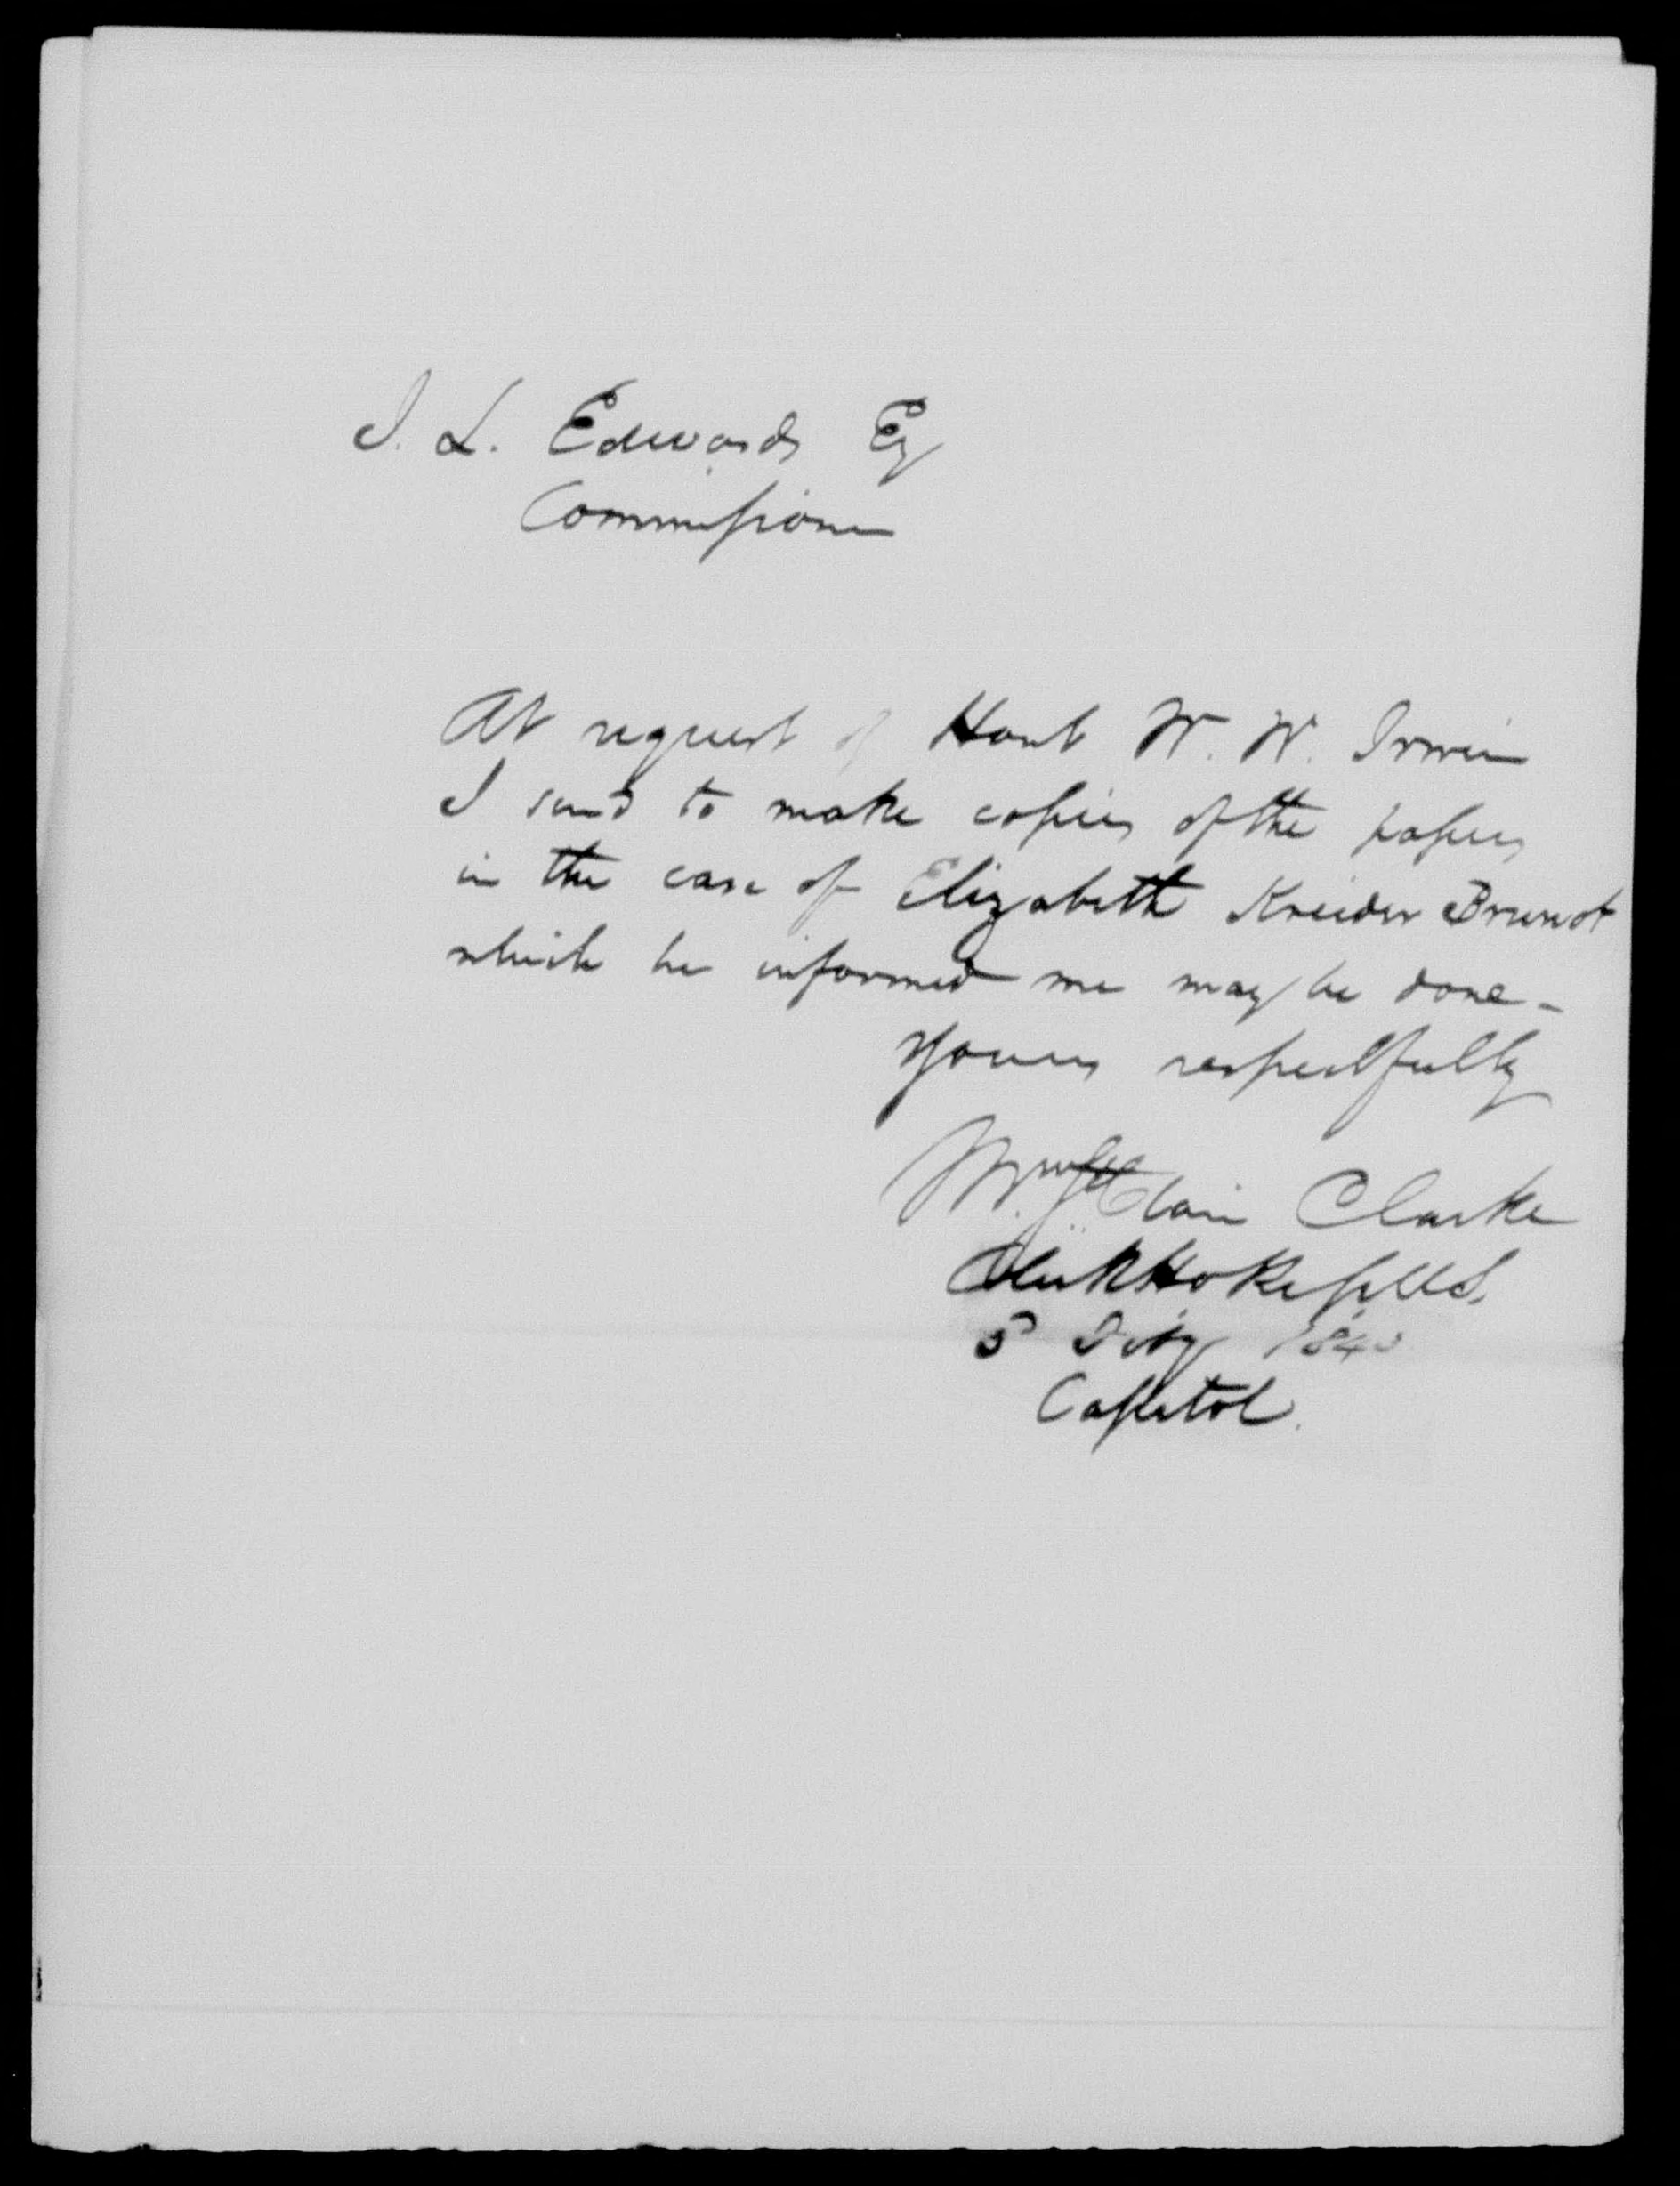(3-1776)
Service Penn.
Bruno, Felix
or Brenot, Elizabeth Krieder
Number R.1371
Contents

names: Elizabeth Kreider Brunot, St Clair Clarke, J L Edwards, W W Irwin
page: 25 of 34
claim: rejected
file: R. 1371, Felix Brunot, Penn.